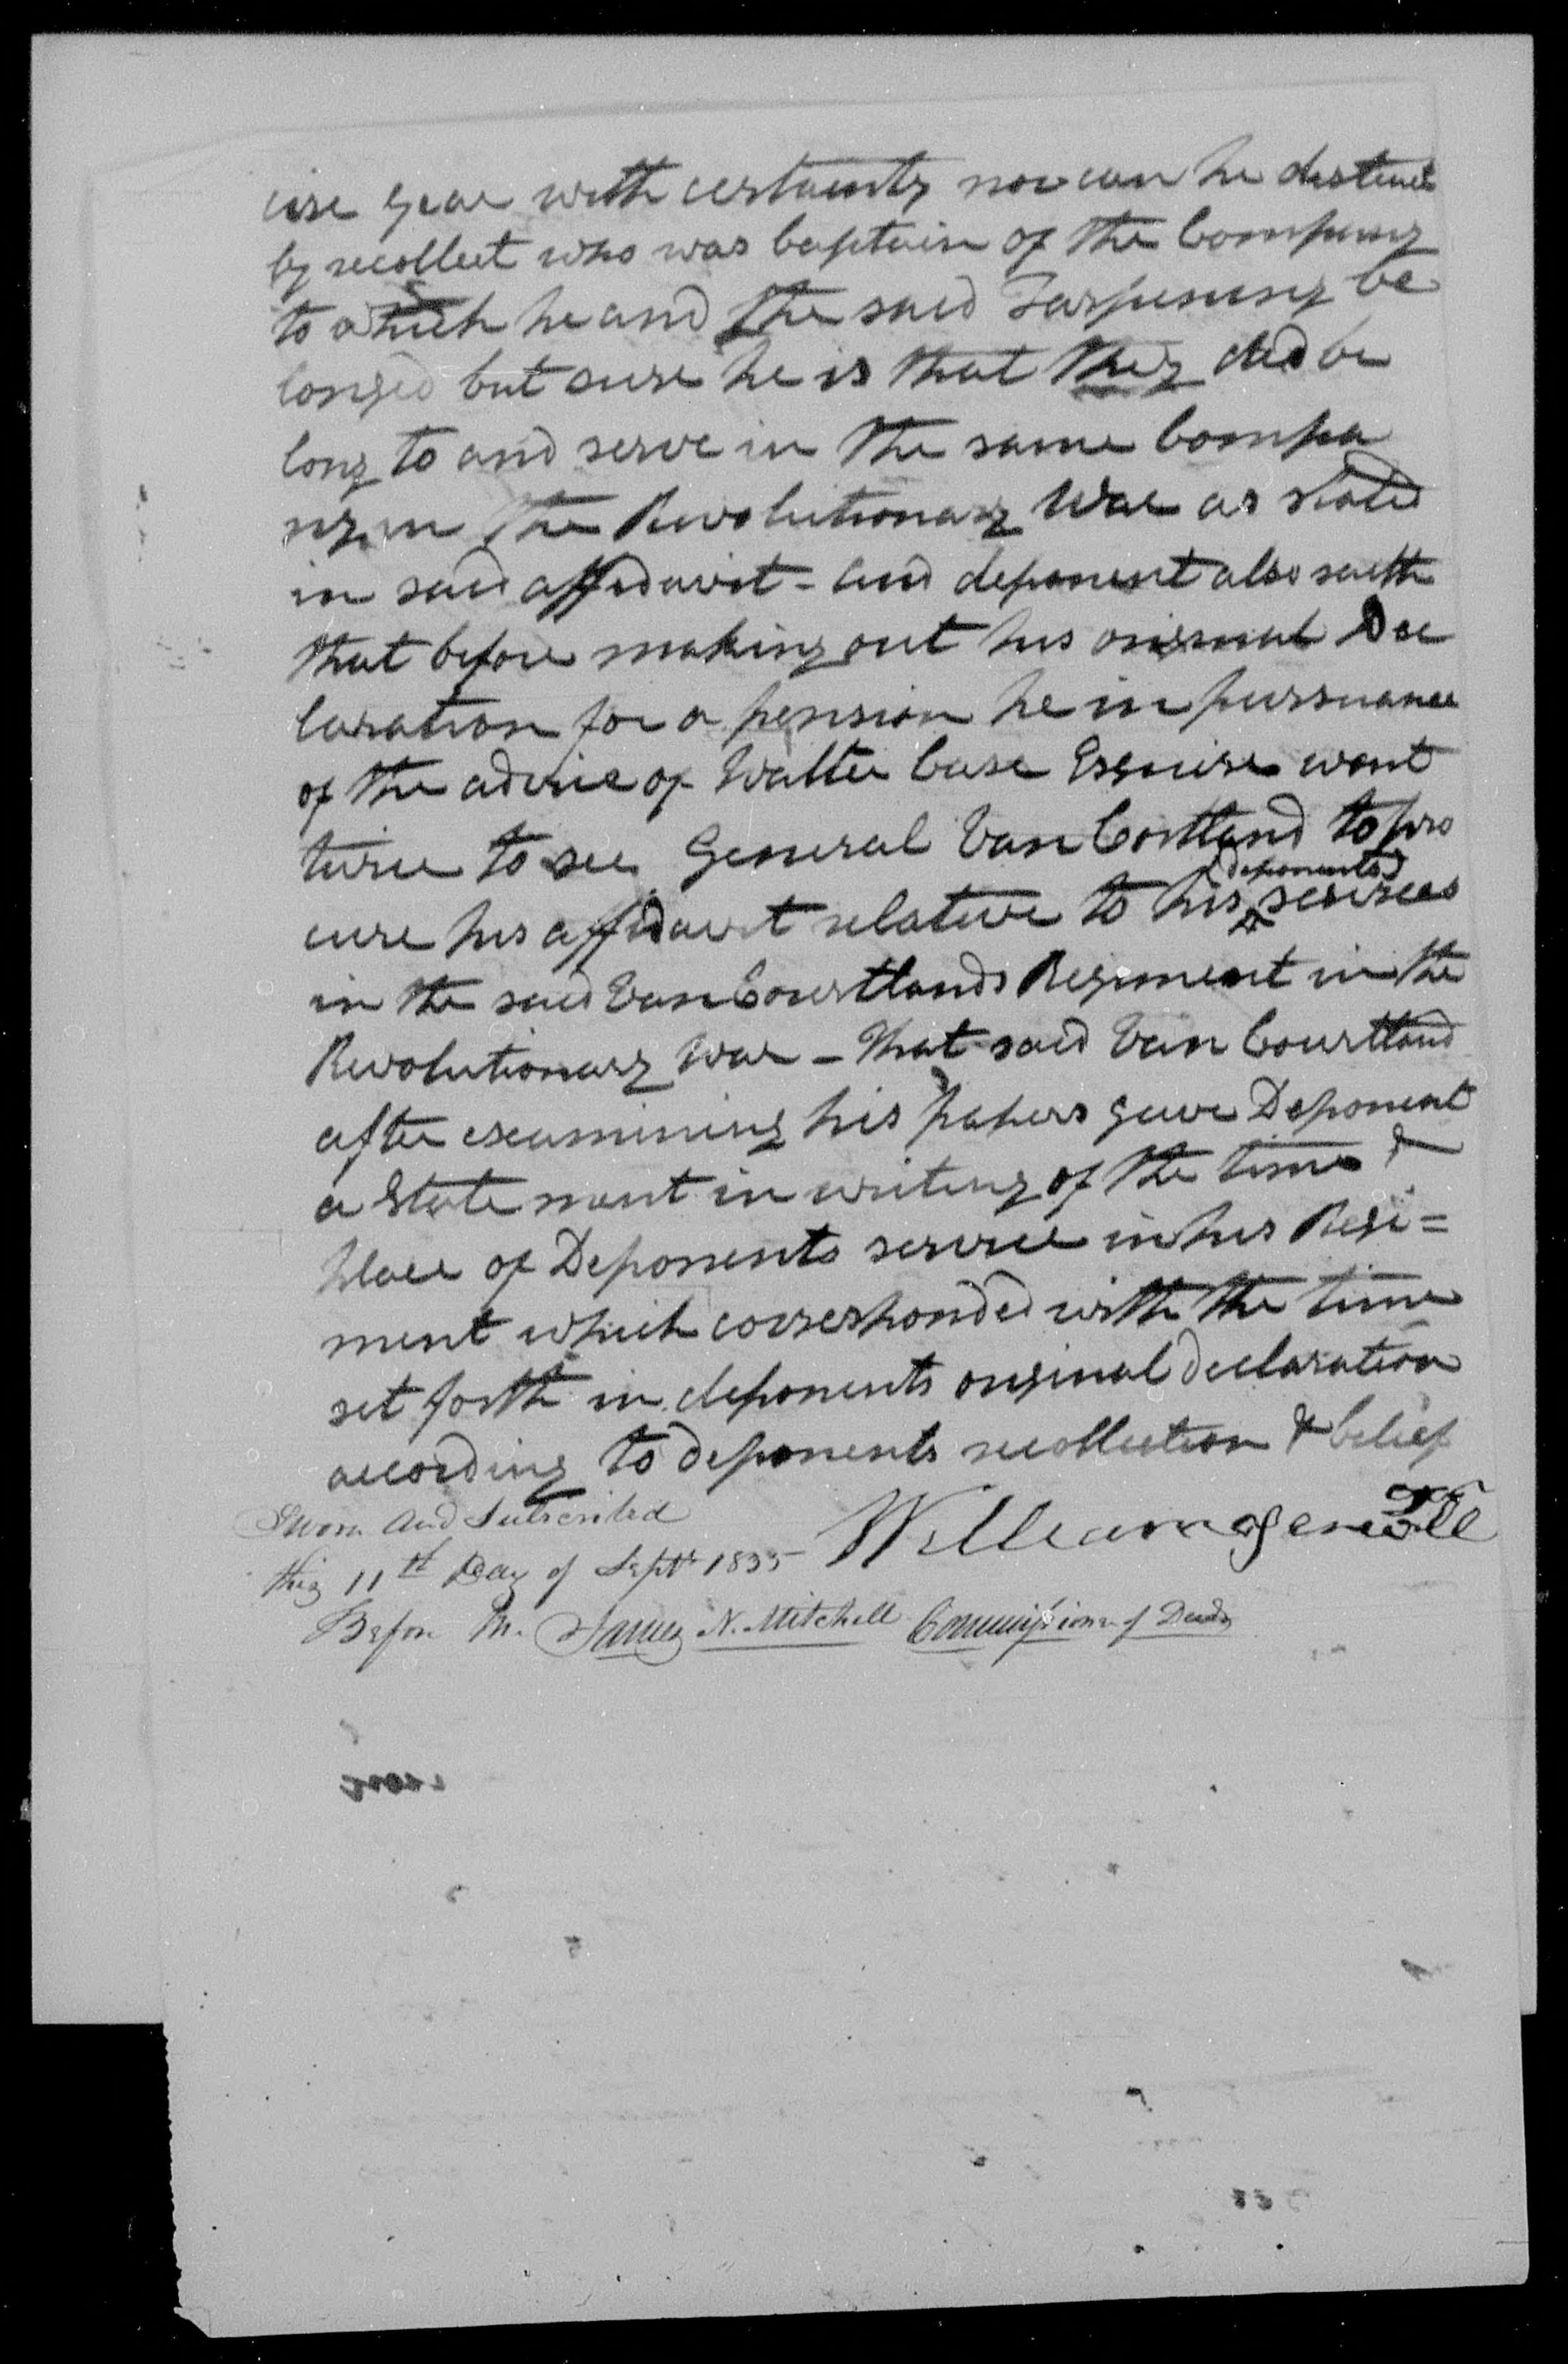use year with certainty nor can he distinctly
 recollect who was Captain of the Company
to which he and the said [illegible] belonged but sure he is that they did
long to and serve in the same Company
in the Revolutionary war as stated
in said affidavit, and deponent also saith
that before making out his  Declaration for a pension he in pursuance
of the advice of Walter Case Esquire went
twice to see General Van Cortland to procure his affidavit relative to his deponents services
in the said Van Courtlands Regiment in the
Revolutionary war - That said Van Courtland
after examining his papers gave Deponent
a statement in writing of the time &
place of Deponents service in his regiment which corresponded with the time
set forth in deponents original declaration
according to deponents recollection & belief


Sworn and subscribed
this 11th day of Sept 1845 
Before M. James N. Mitchell Commissioner of Deeds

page: 14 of 64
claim: survivor's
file: S. 42,464, for William Terwilliger, New York